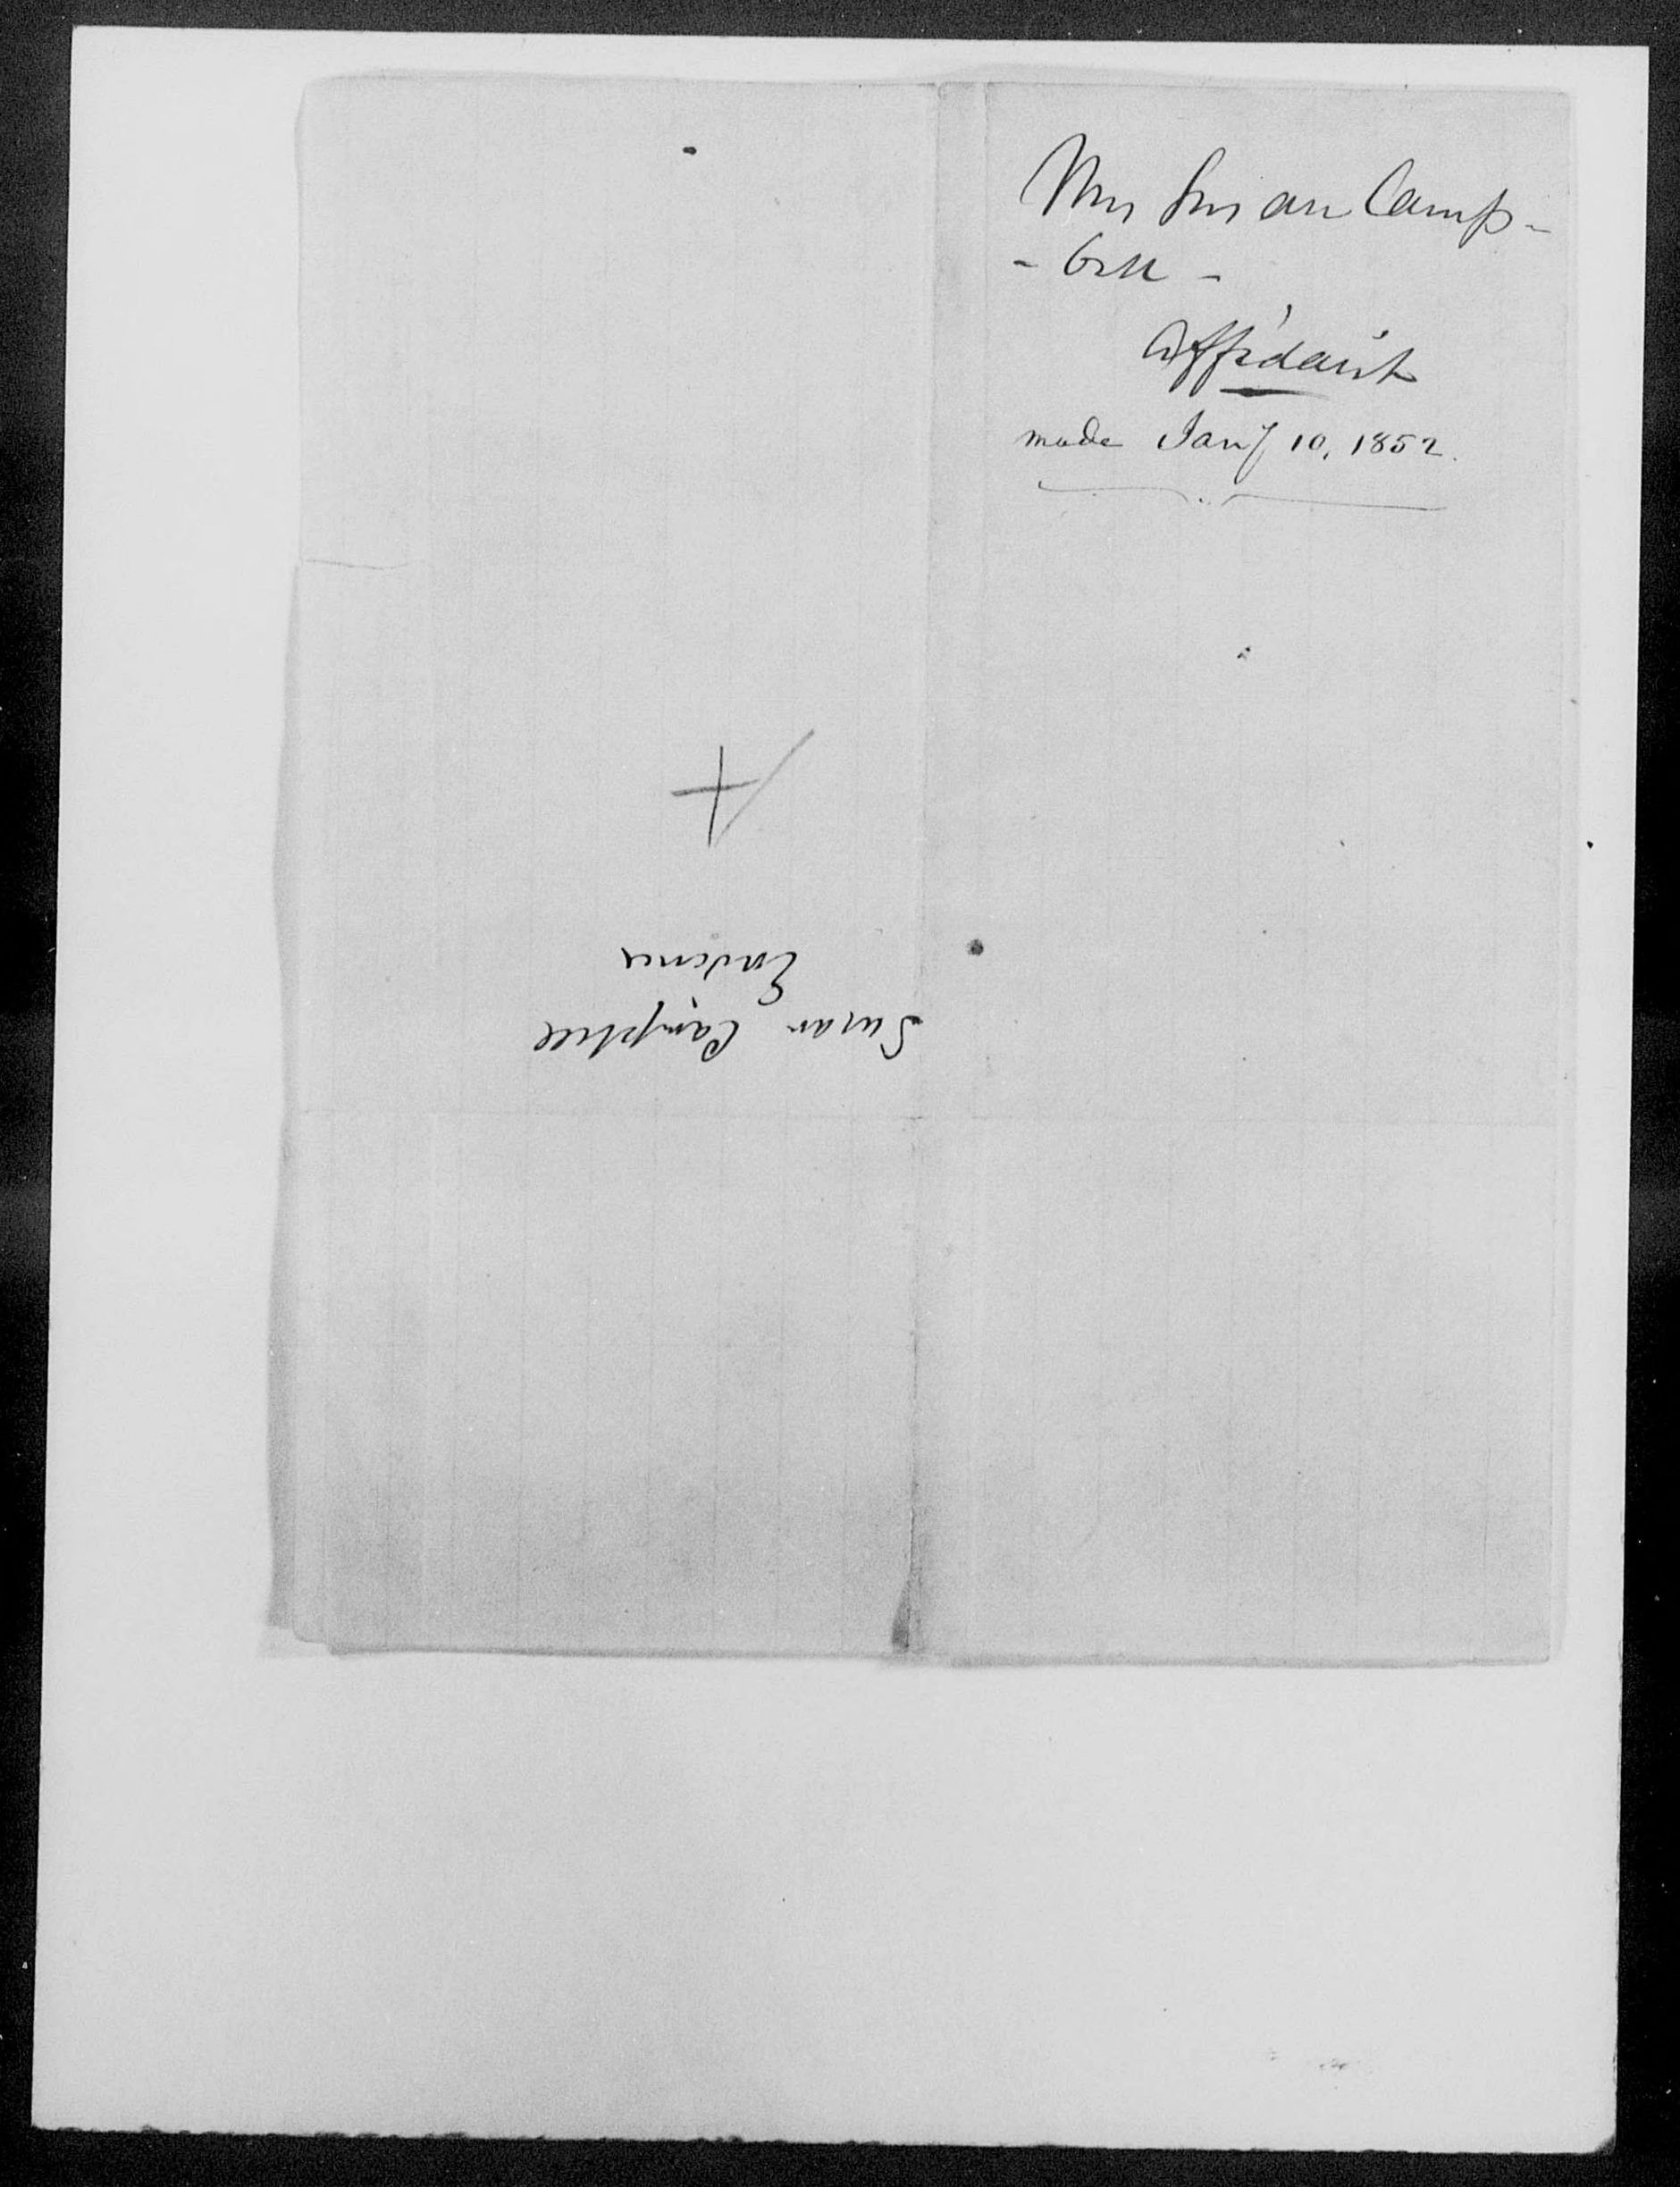Mrs Susan Campbell
Affidavit
made Jany 10, 1852


[the following entries were made upside down and backwards lower on page]

Susan Campbell
Evidence 

+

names: Susan Campbell, Susan Campbell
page: 246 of 267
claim: widow's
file: W. 4,149, William Campbell, Va.